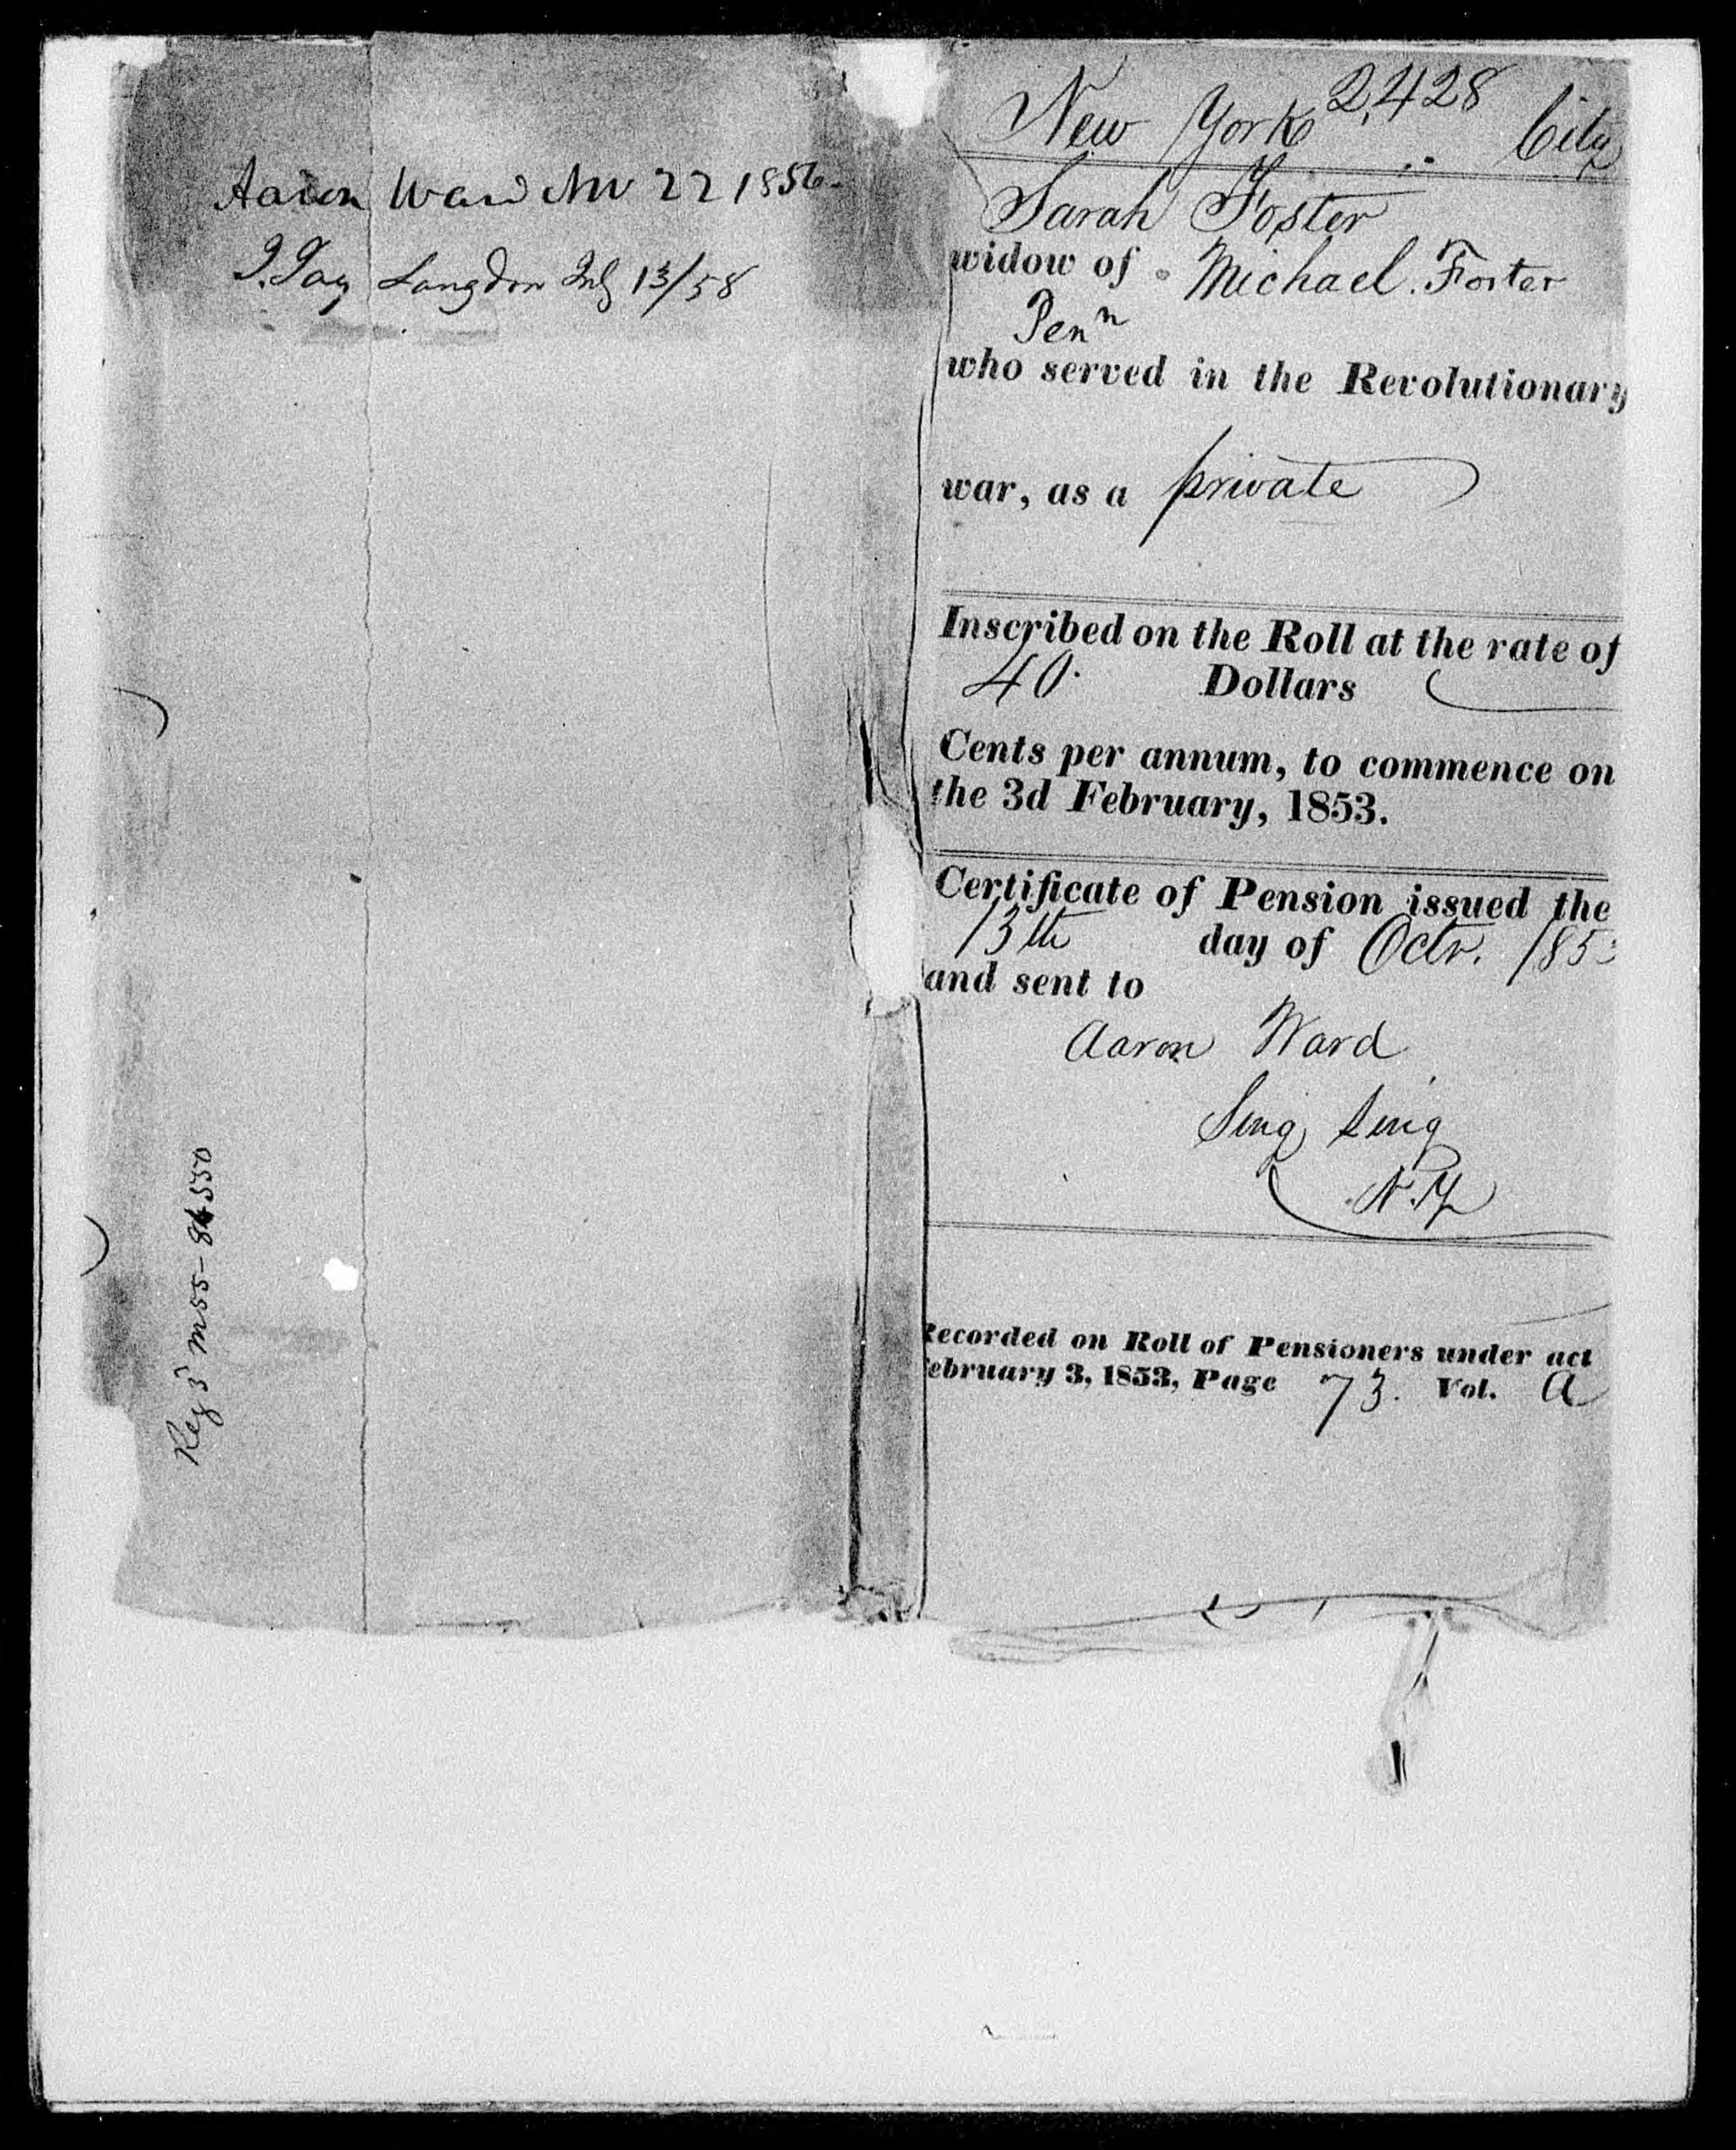(two sided document)
left side

Aaron Ward M 22 1856
J. Jay Langdon Ins 13/58

right side
New York 2.428 City
_______________________________________
Sarah Foster
widow of Michael Foster
Penn
who served in the Revolutionary war, as a private
_______________________________________
Inscribed on the Roll at the rate of 40 Dollars
---Cents per annum, to commence on the 3d February, 1853
_______________________________________
Certificate of Pension issued the 13th  day of Oct. 1853 and sent to 
Aaron Ward
Sing Sing
N. Y.
_______________________________________
Recorder on Roll of Pensioners under act February 3, 1853, Page 73. Vol. A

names: Sarah Foster, J Jay Langdon, Michael Foster, Aaron Ward, Aaron Ward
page: 3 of 57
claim: widow's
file: W. 5275 1/2, Michael Foster, Penn.